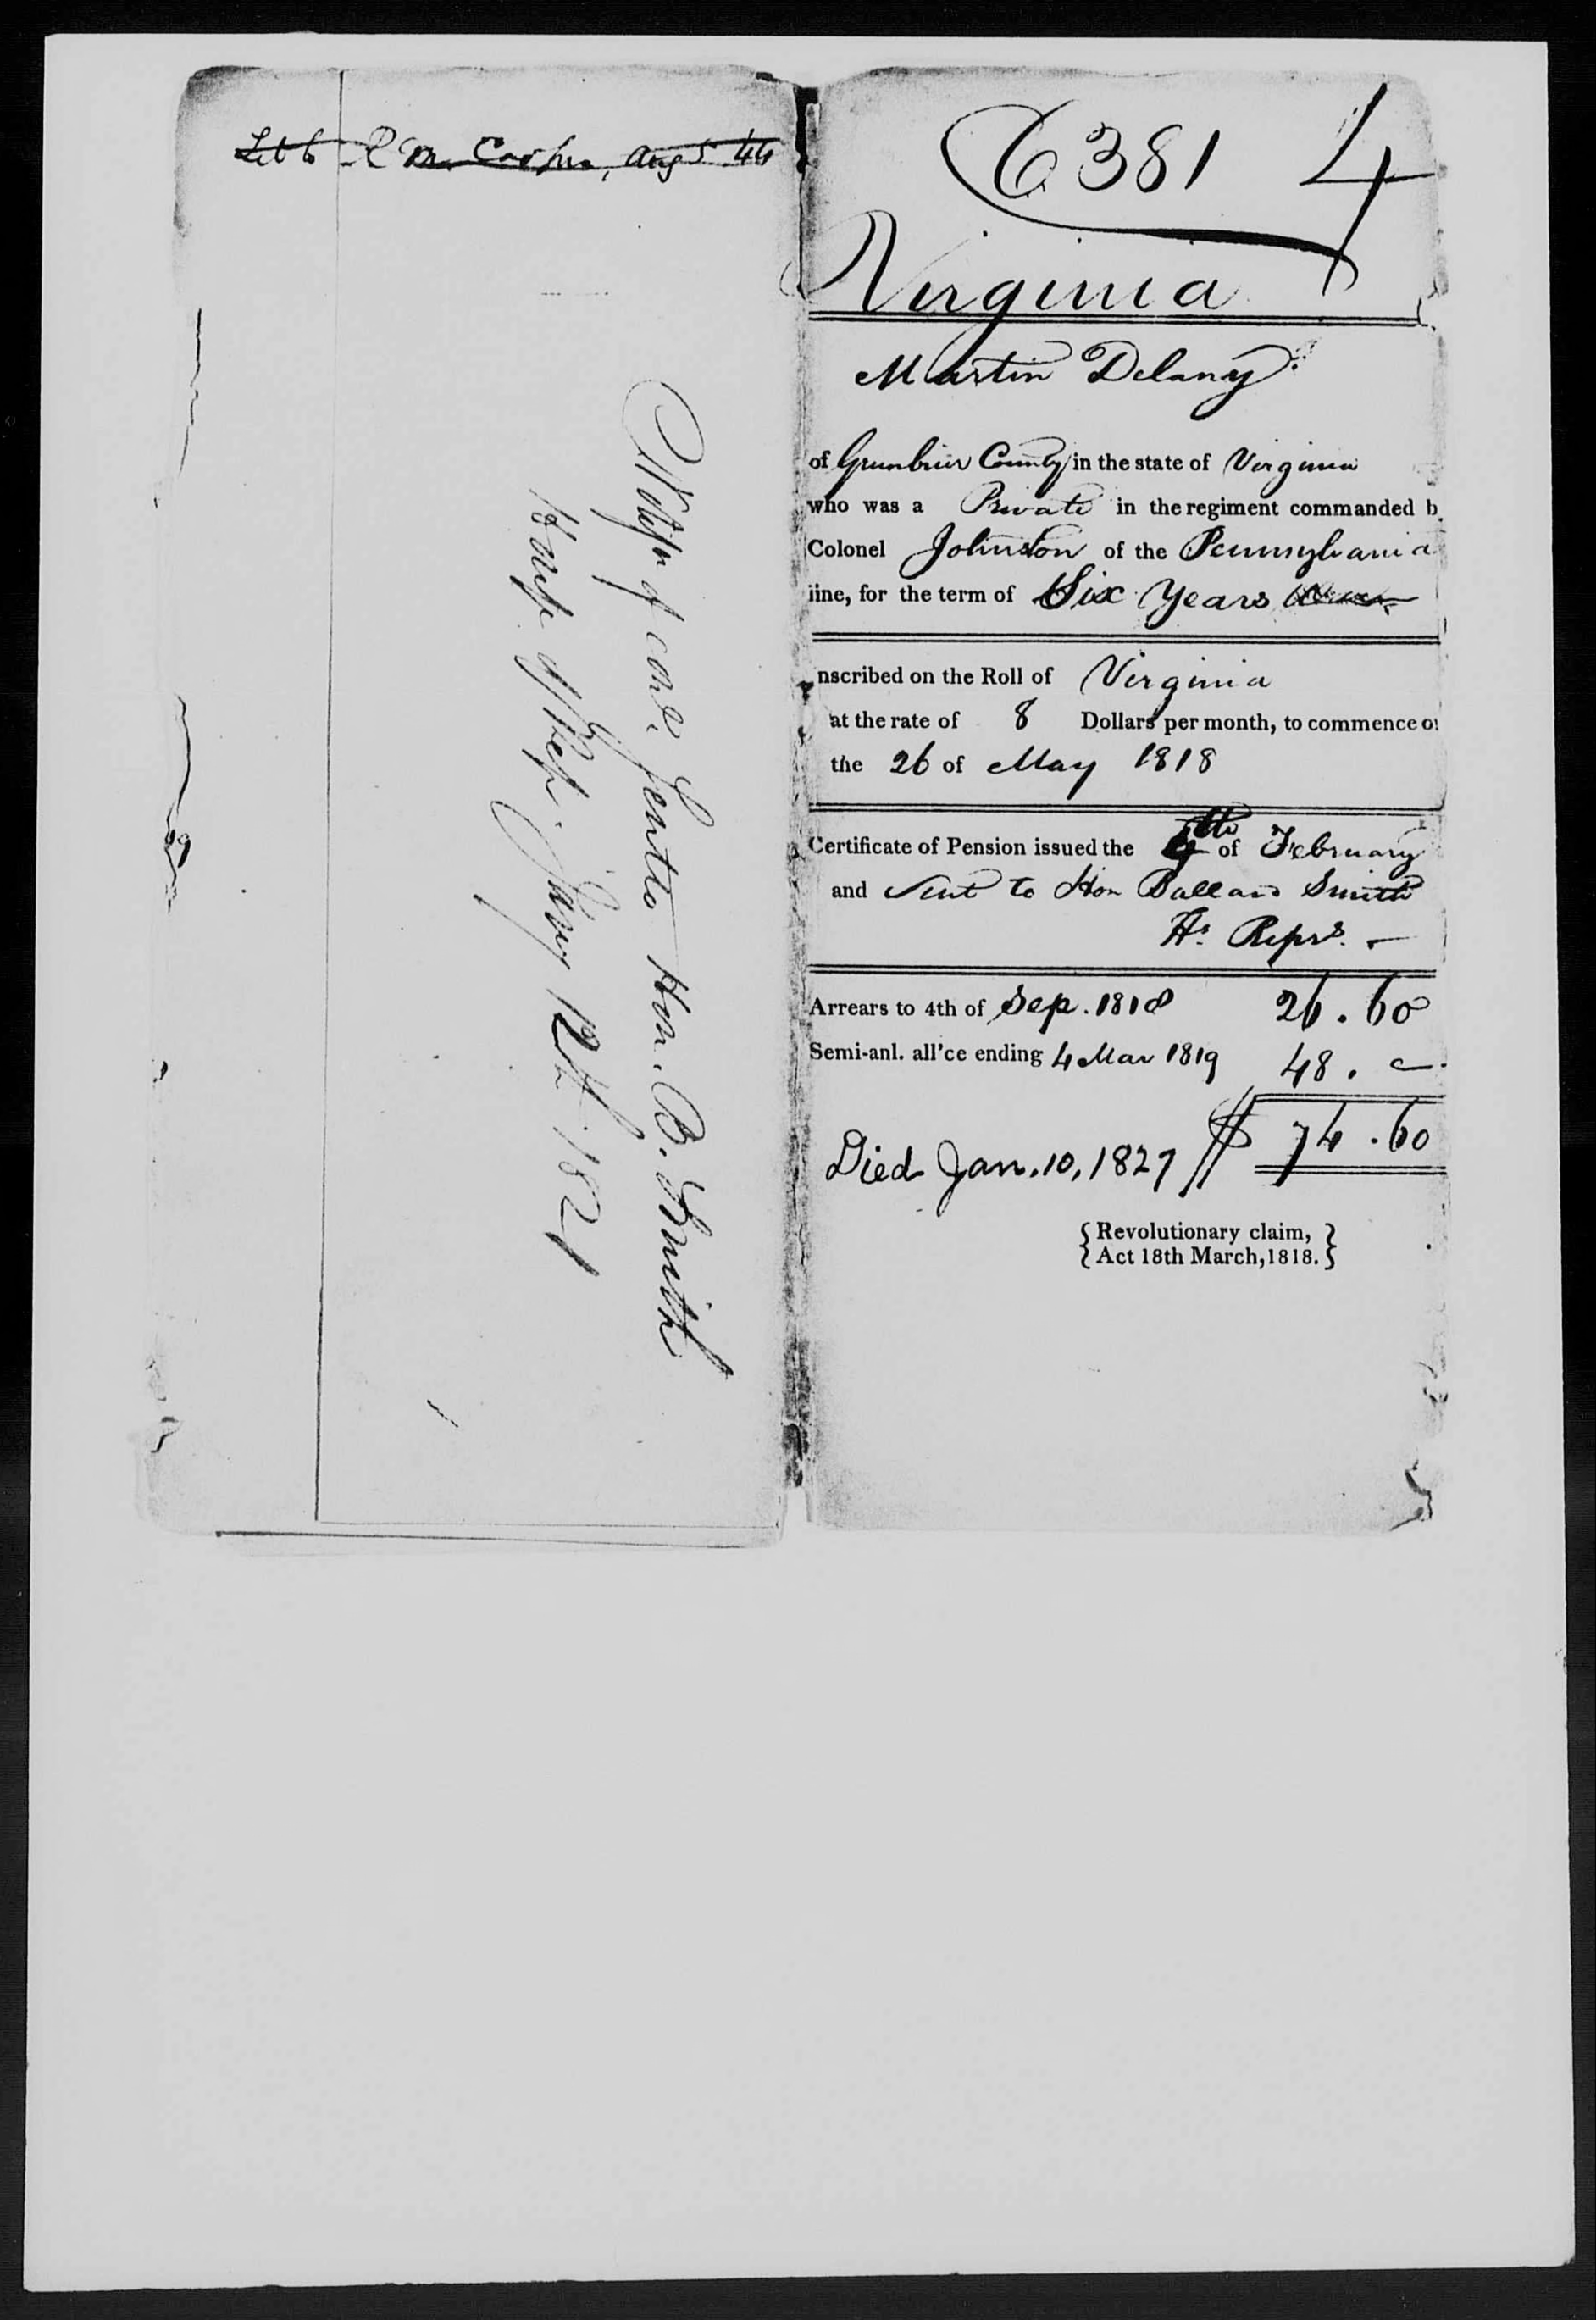Notice of case sent to Hon. B. Smith
6381 4
Virginia
Martin Delany
of Greenbriar County in the State of Virginia, who was a Private in the regiment commanded by Colonel Johnston of the Pennsylvania line, for the term of six years.
-----
Inscribed on the Roll of Virginia at the rate of 8 Dollars per month, to commence on the 26 of
May 1818
-----
Certificate of Pension issued the 4 of February
and sent to Hon Ballard Smith
H. Reps.
-----
Arrears to 4th of Sept 1818                26.60
Semi-anl. all'ce ending 4 May 1819   48.--
                                                           74.60
Died Jan 10, 1827

Revolutionary claim,
Act 18th March, 1818.}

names: B Smith, Ballard Smith, Johnston, Martin Delany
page: 2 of 22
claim: survivor's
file: S. 3,9425, Martin Delany, Penn.